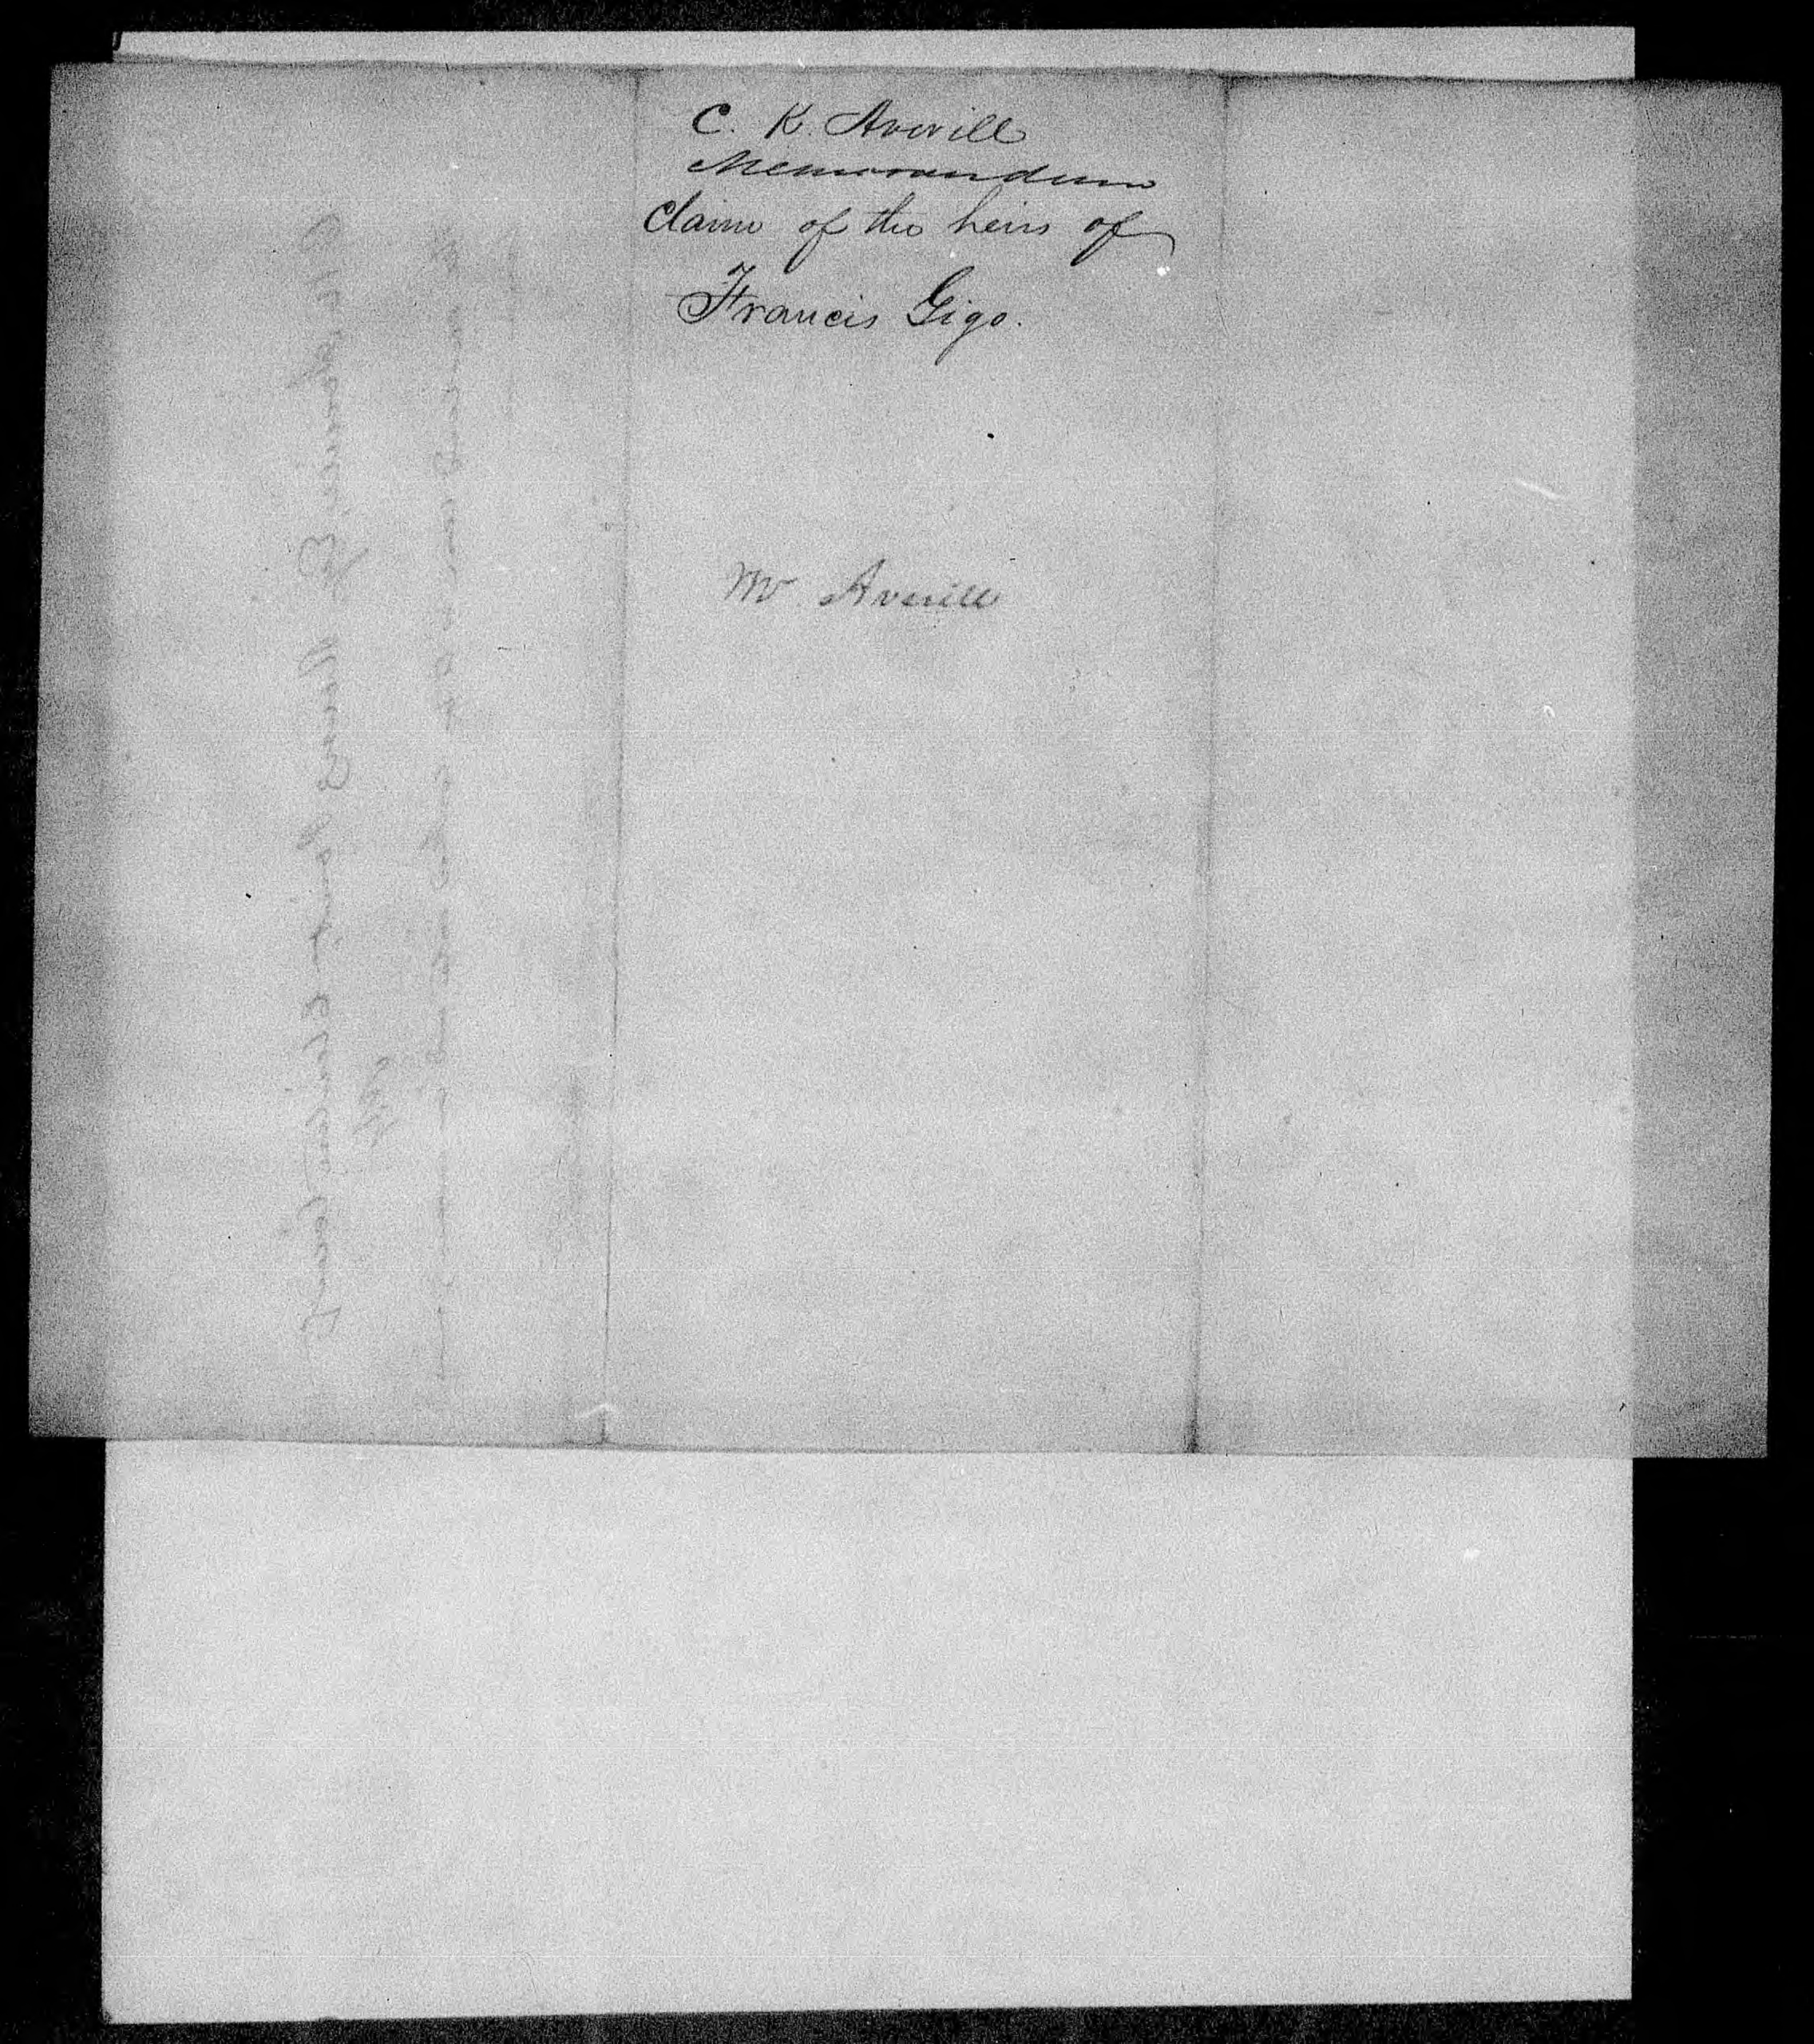C K. Averill
Memorandum
Claim of the heirs of Francis Gigo

Mr. Averill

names: Averill, C K Averill, Francis Gigo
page: 75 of 98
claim: widow's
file: W. 21182, Francis Gigo, Continental (Canadian)